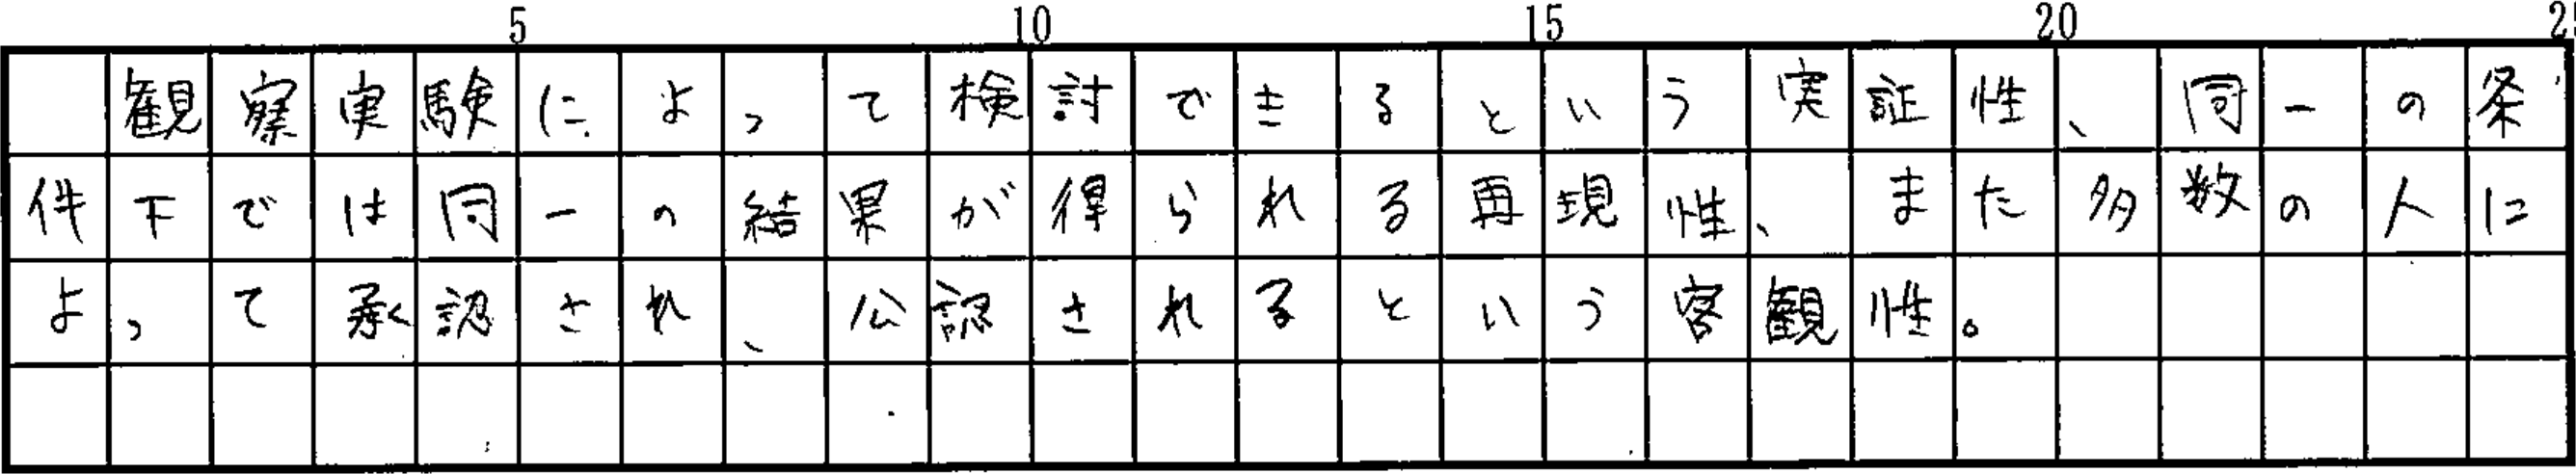　観察実験によって検討できるという実証性、同一の条件下では同一の結果が得られる再現性、また多数の人によって承認され、公認されるという客観性。
